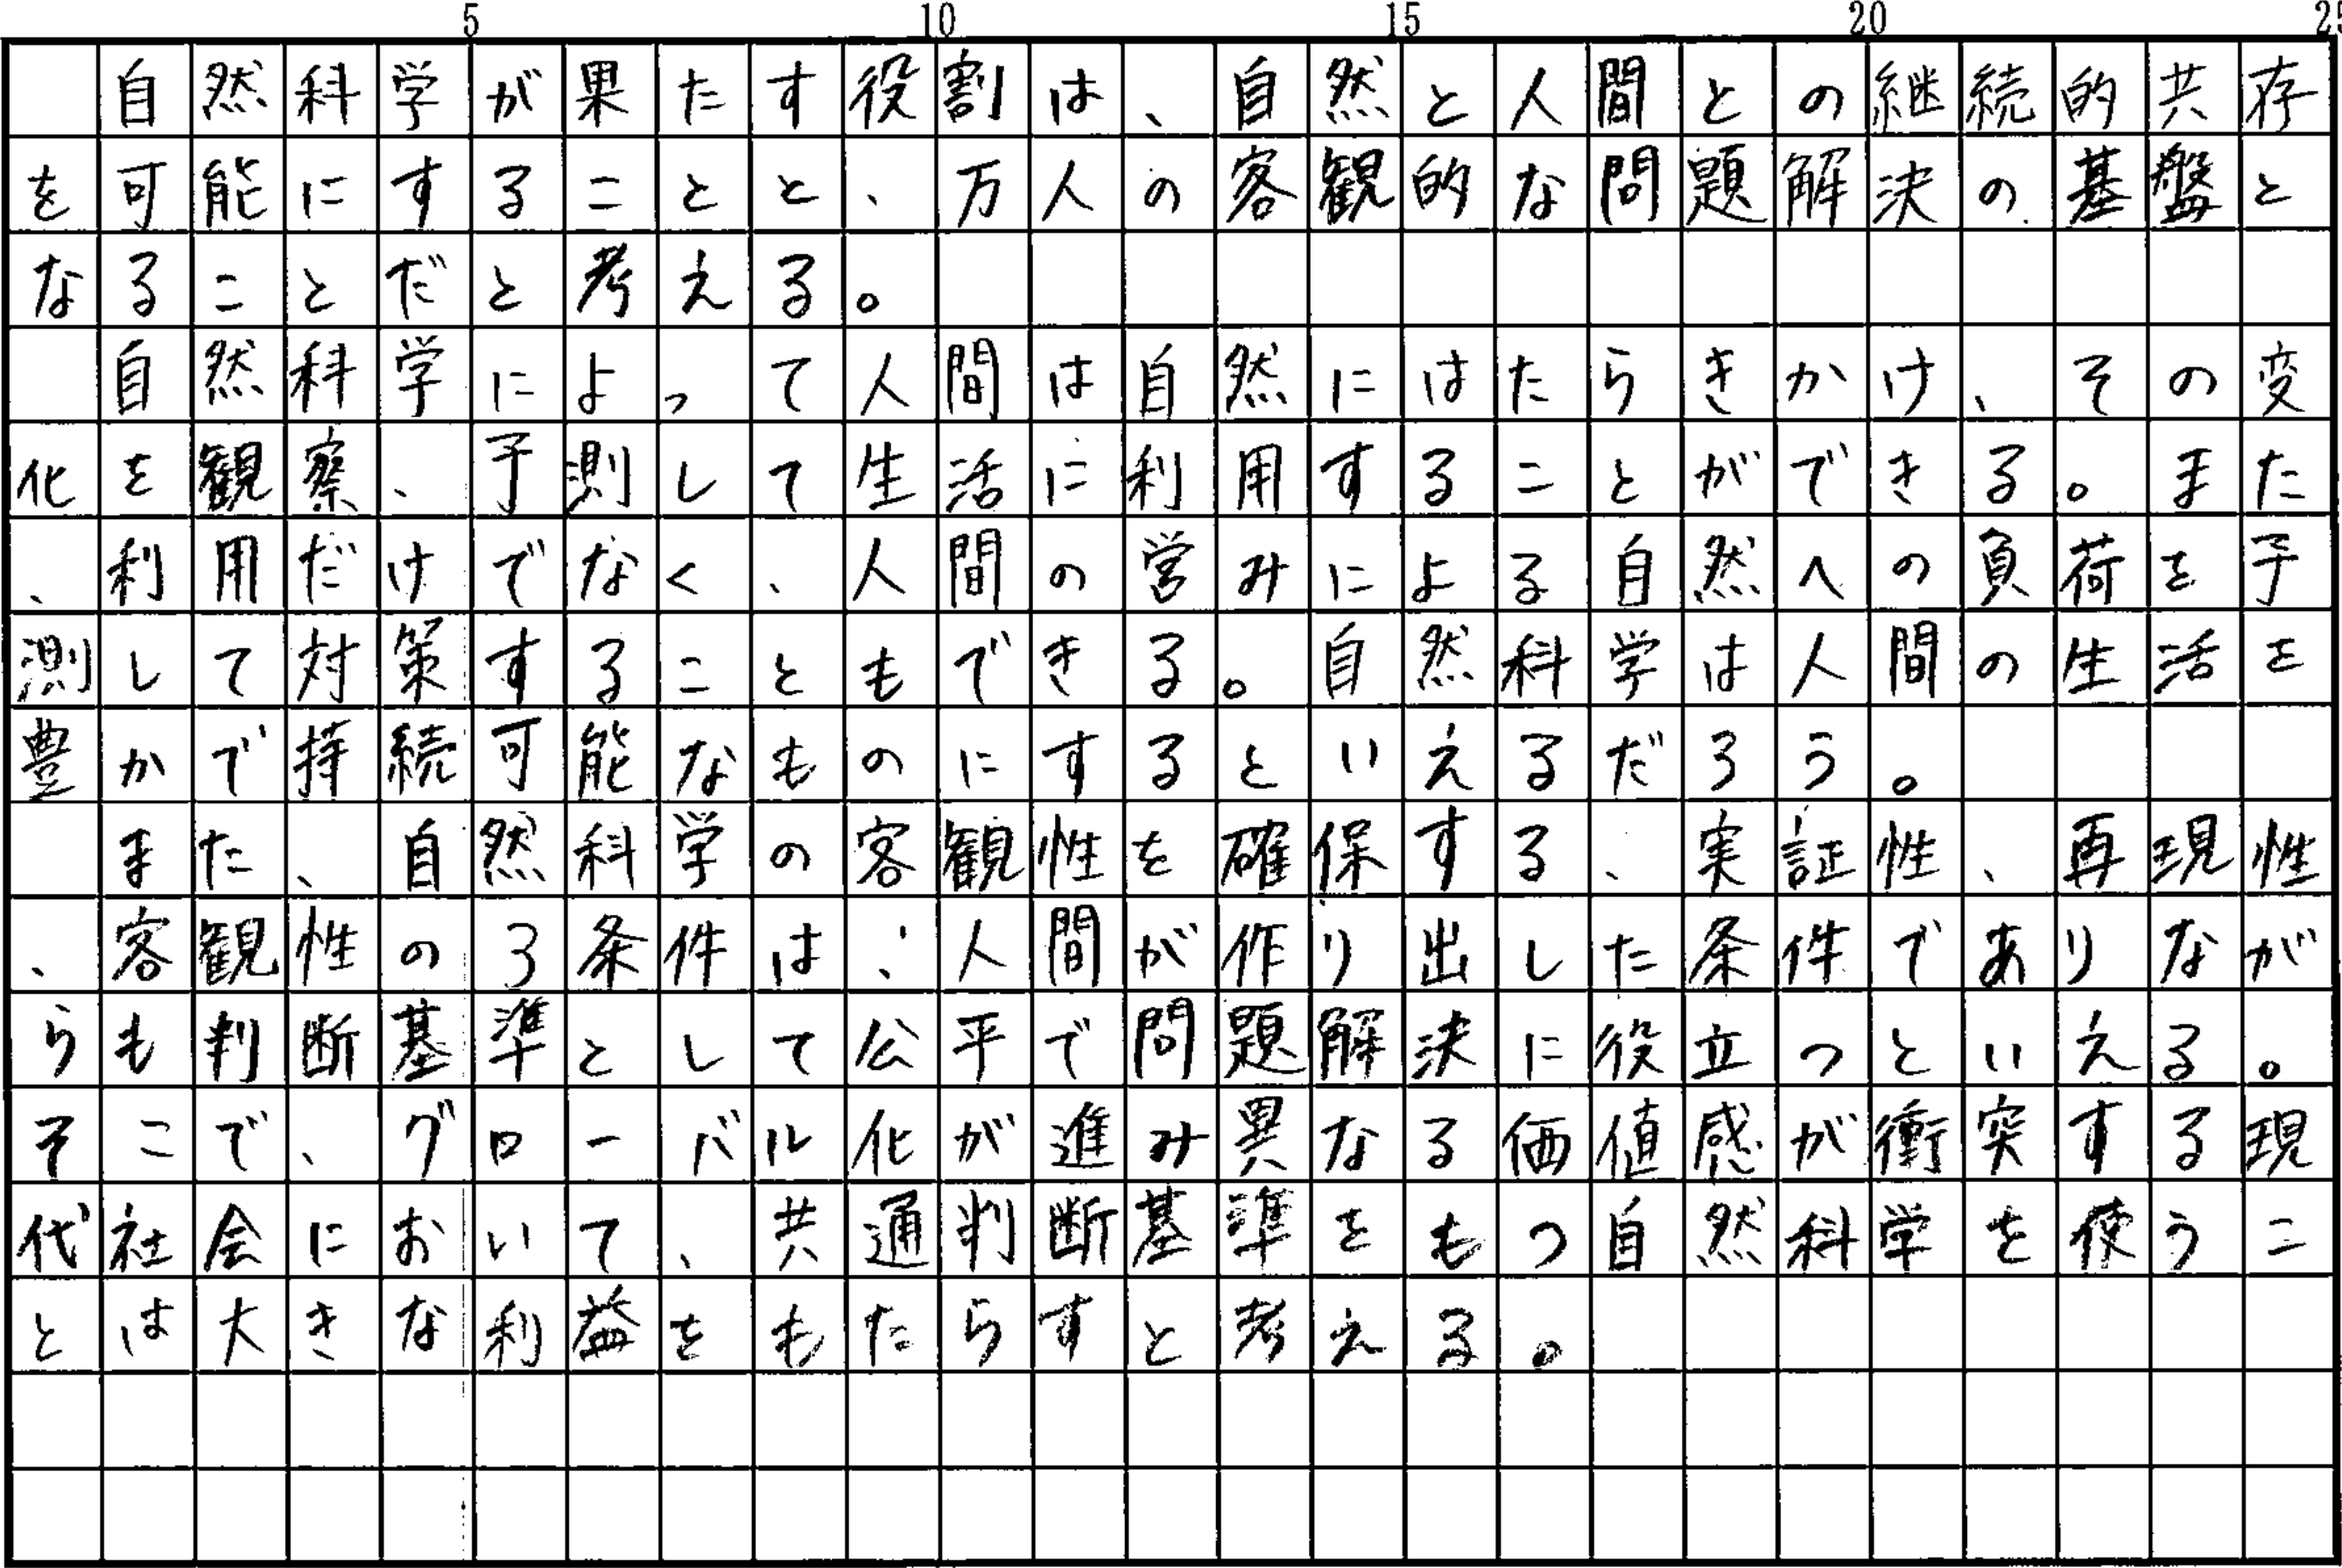　自然科学が果たす役割は、自然と人間との継続的共存を可能にすることと、万人の客観的な問題解決の基盤となることだと考える。
　自然科学によって人間は自然にはたらきかけ、その変化を観察、予測して生活に利用することができる。また、利用だけでなく、人間の営みによる自然への負荷を予測して対策することもできる。自然科学は人間の生活を豊かで持続可能なものにするといえるだろう。
　また、自然科学の客観性を確保する、実証性、再現性、客観性の３条件は、人間が作り出した条件でありながらも判断基準として公平で問題解決に役立つといえる。そこで、グローバル化が進み異なる価値感が衝突する現代社会において、共通判断基準をもつ自然科学を使うことは大きな利益をもたらすと考える。
